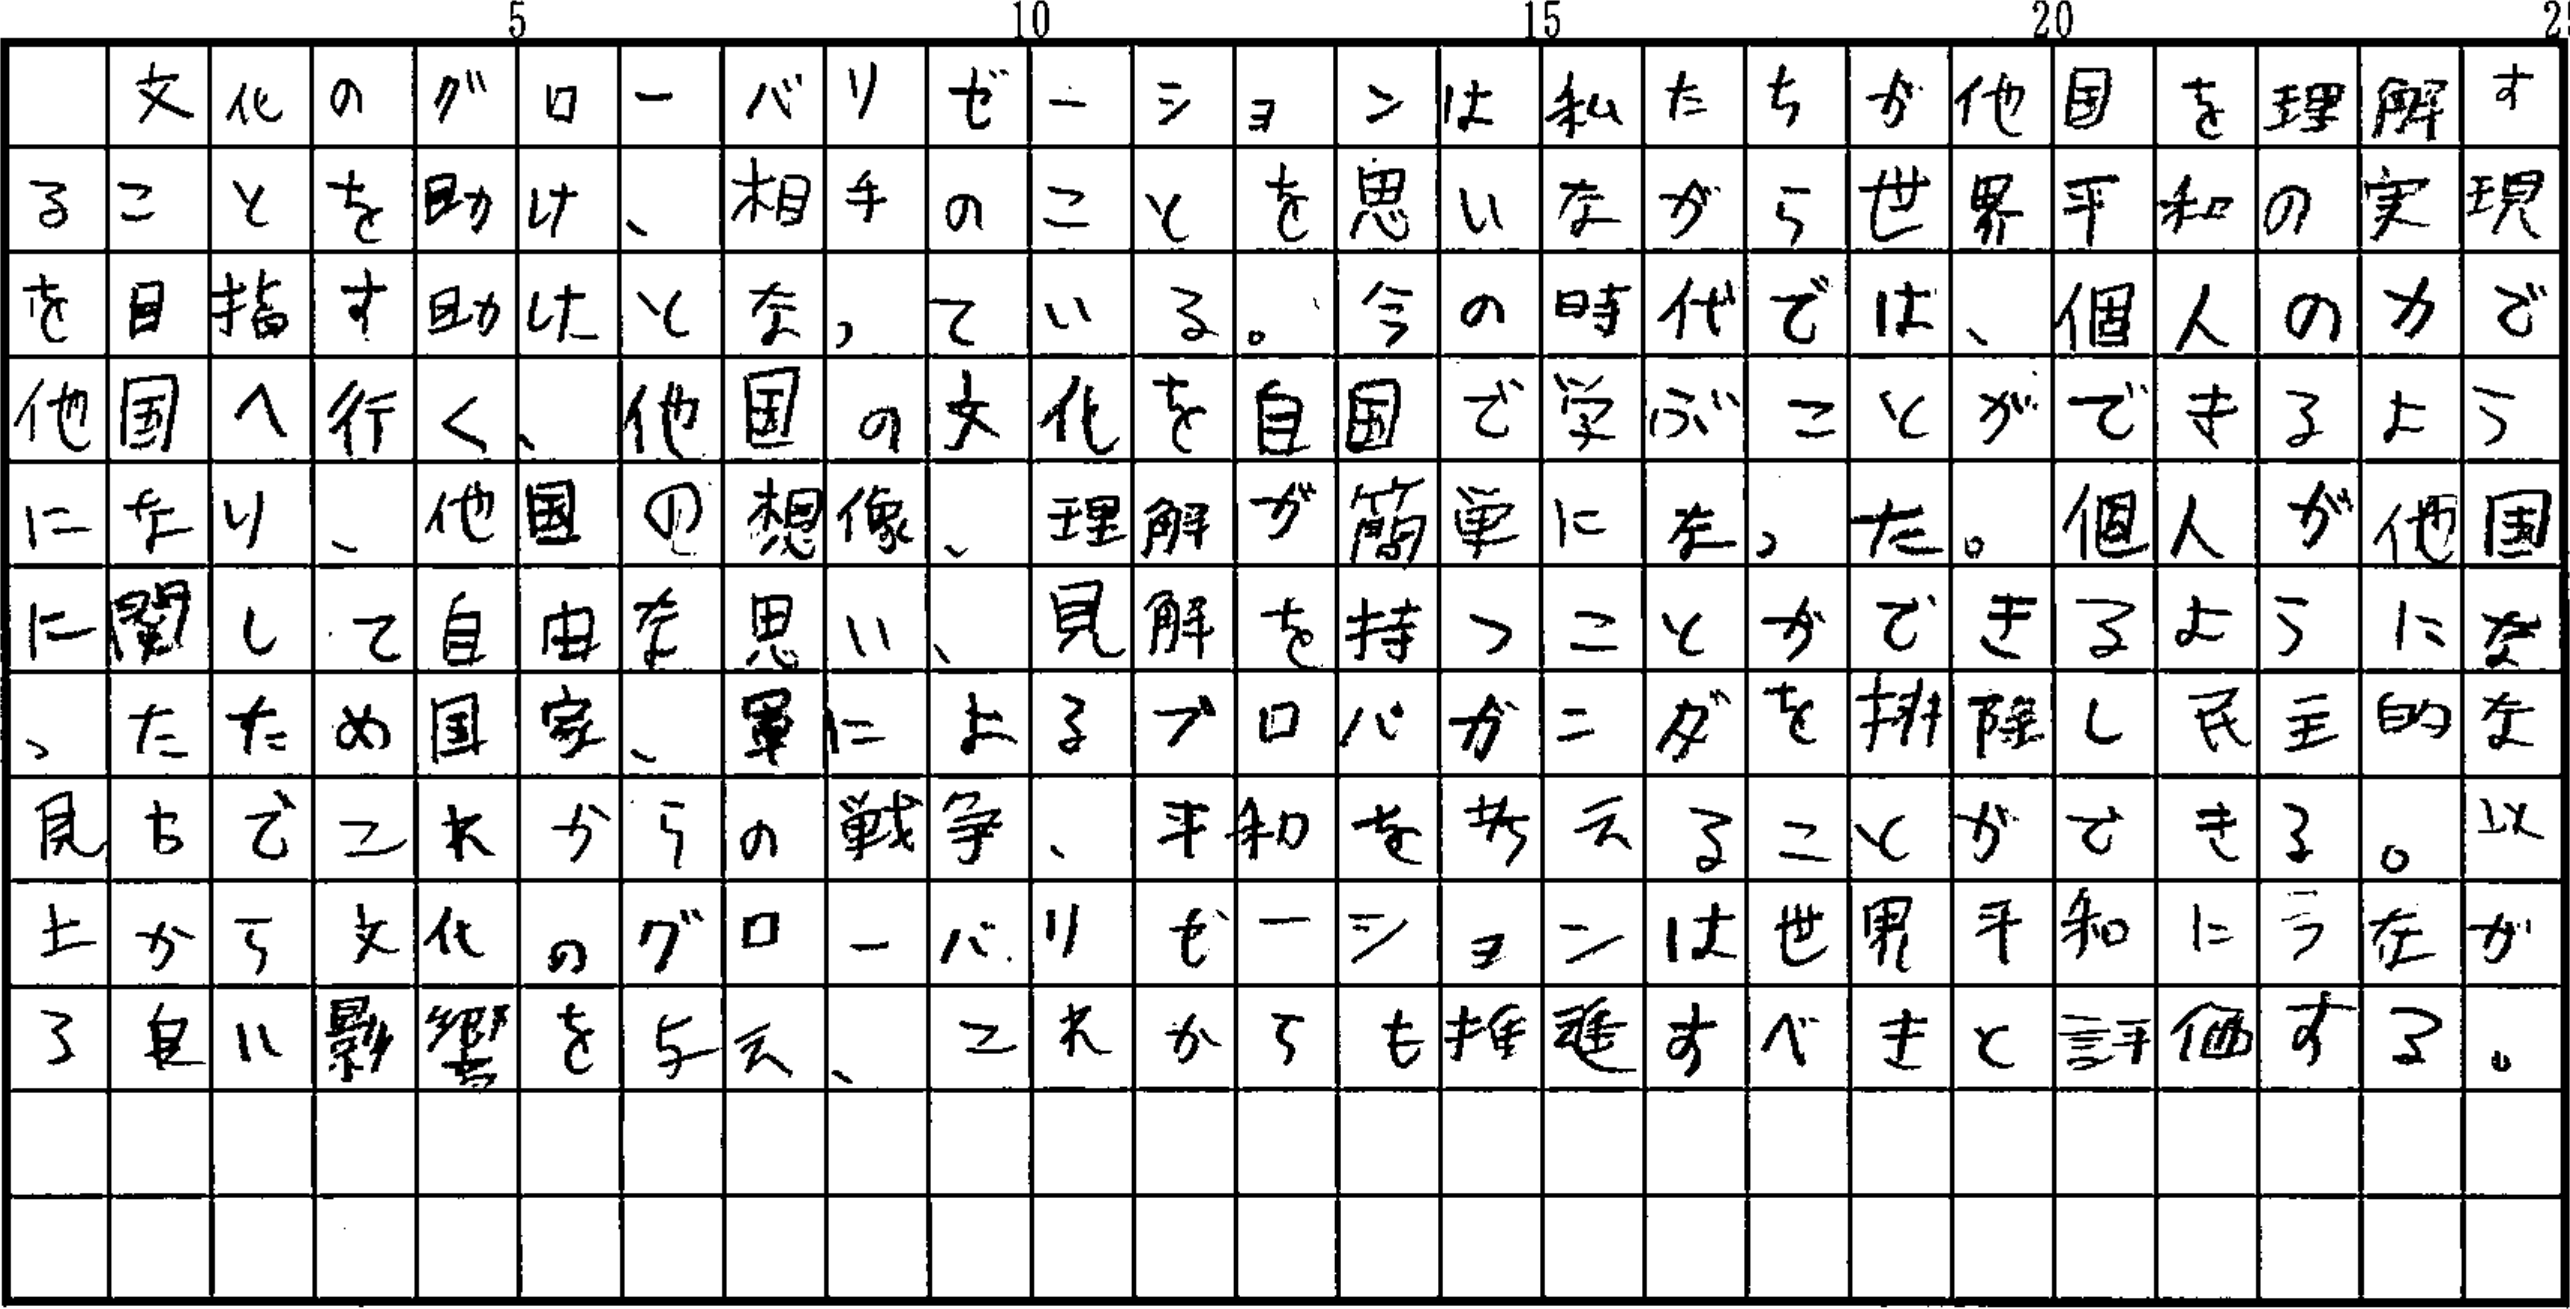　文化のグローバリゼーションは私たちが他国を理解することを助け、相手のことを思いながら世界平和の実現を目指す助けとなっている。今の時代では、個人の力で他国へ行く、他国の文化を自国で学ぶことができるようになり、他国の想像、理解が簡単になった。個人が他国に関して自由な思い、見解を持つことができるようになったため国家、軍によるブロパガンダを排除し民主的な見方でこれからの戦争、平和を考えることができる。以上から文化のグローバリゼーションは世界平和につながる良い影響を与え、これからも推進すべきと評価する。
